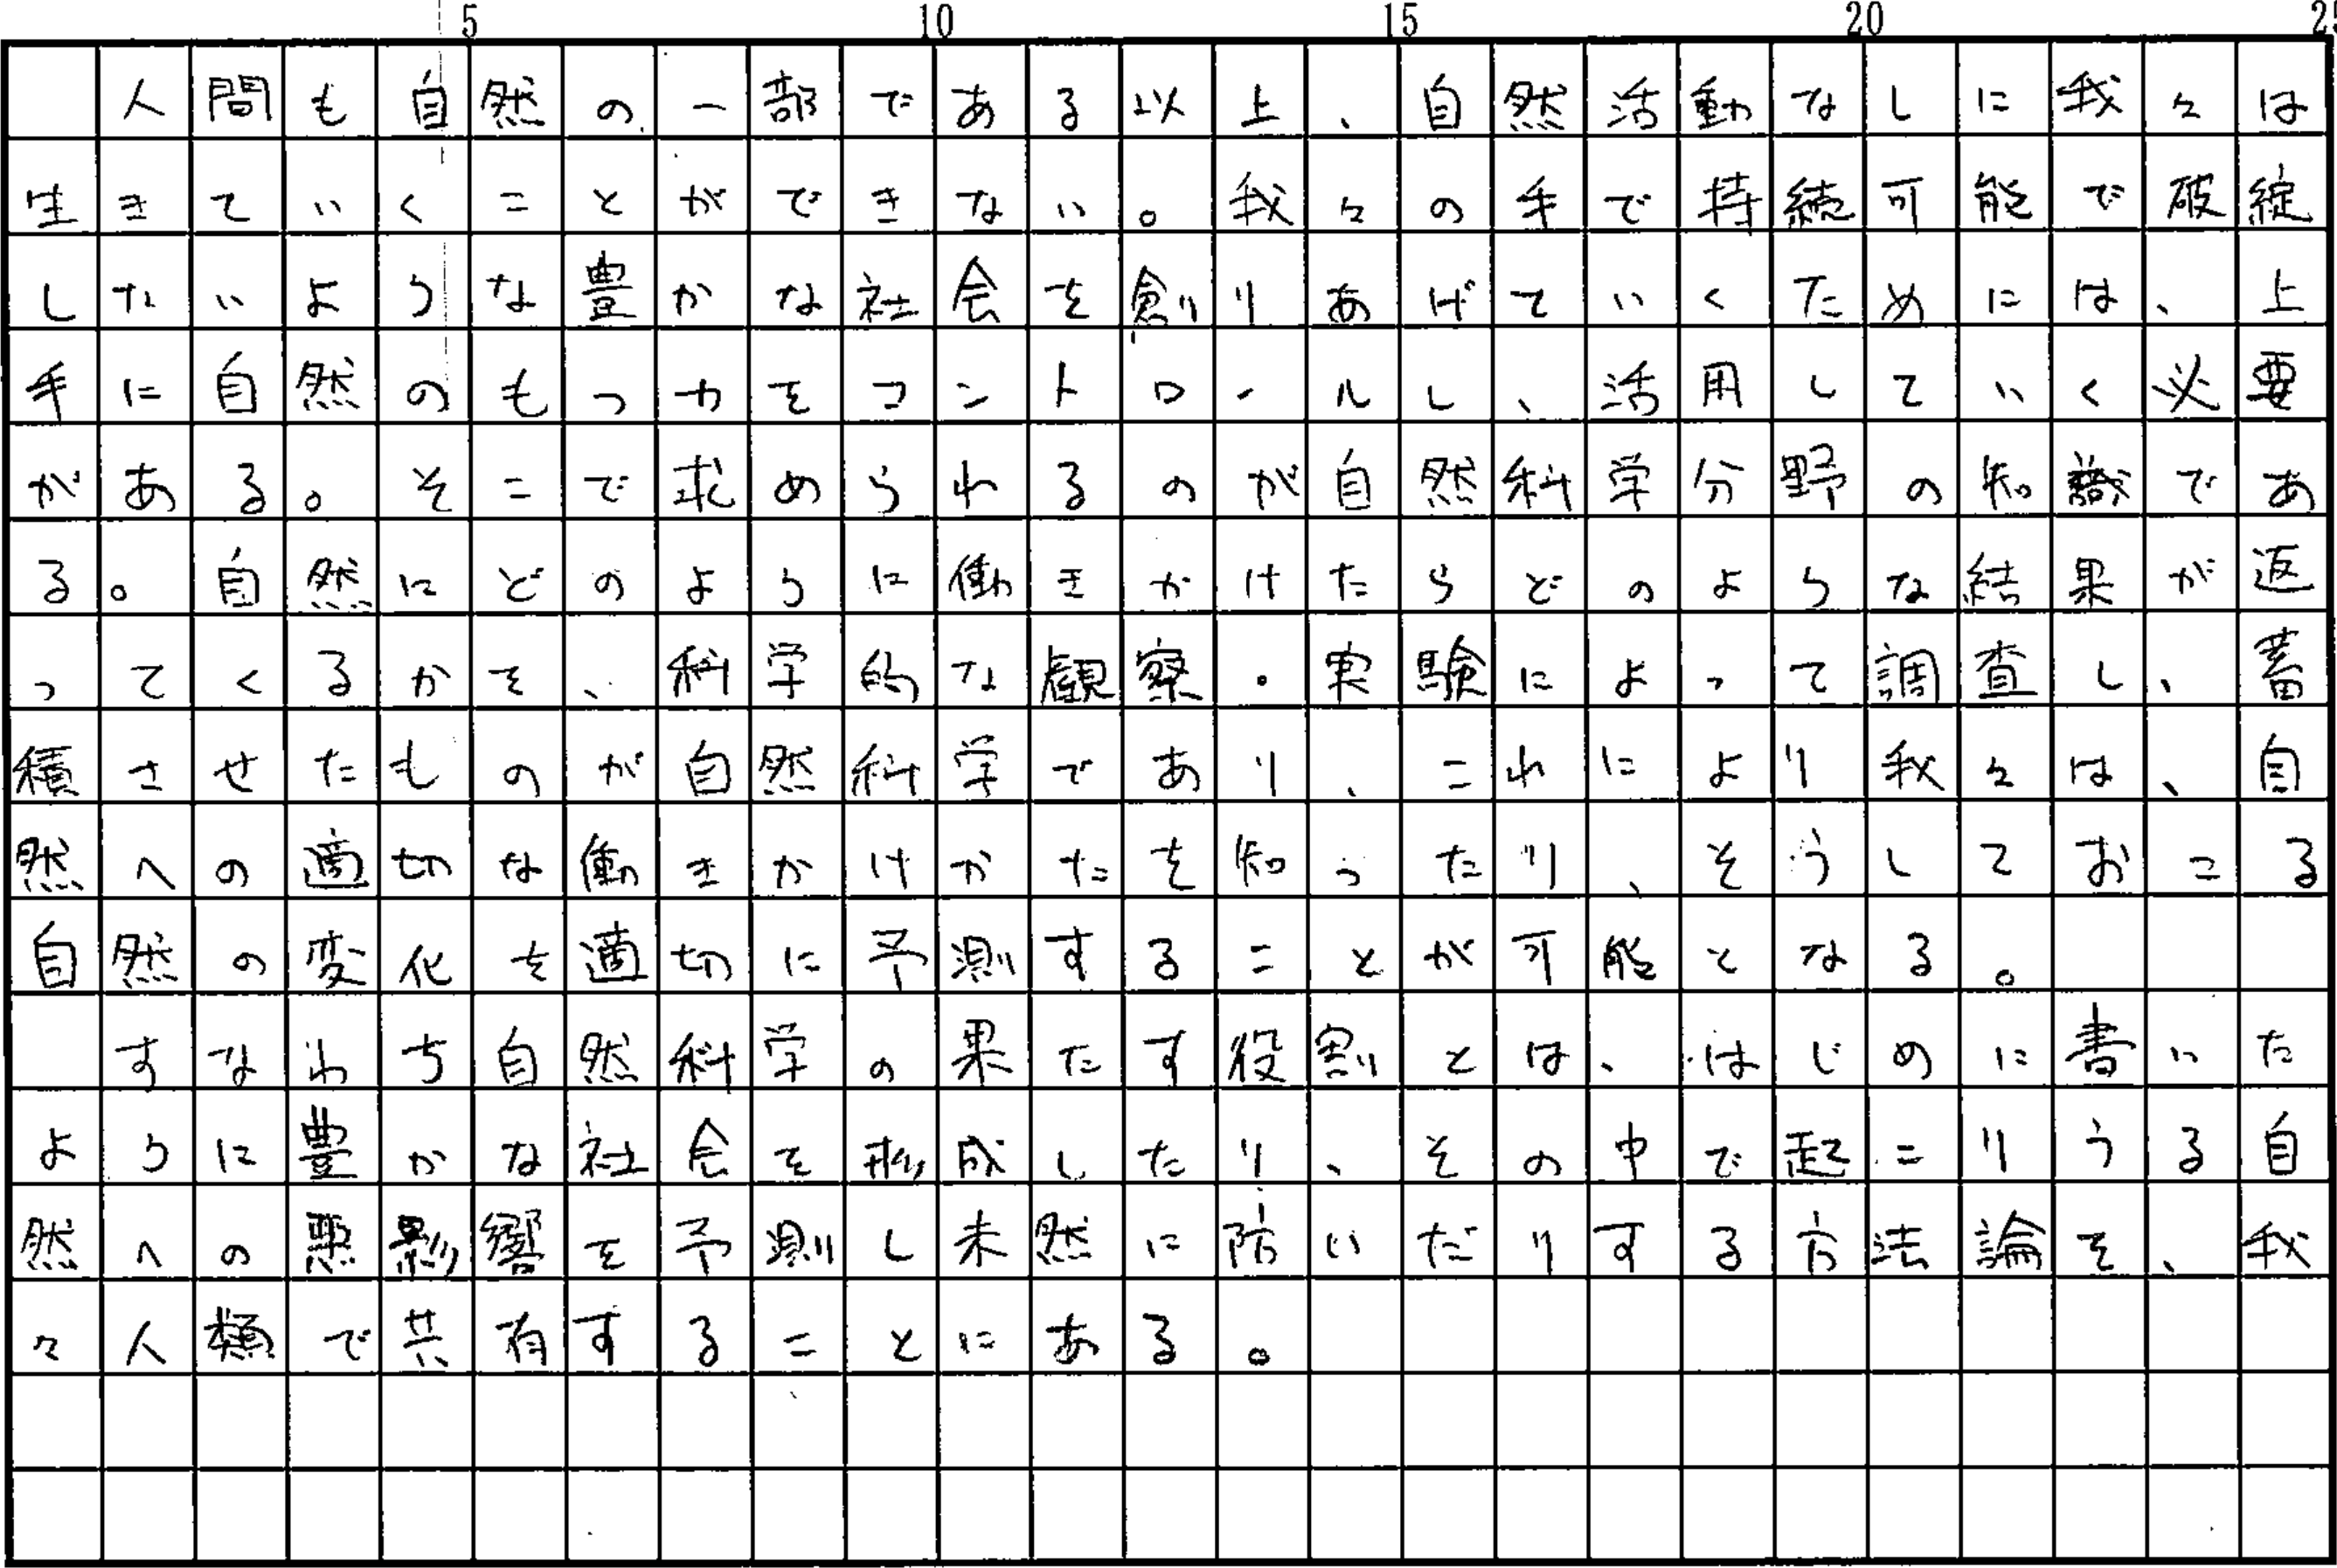　人間も自然の一部である以上、自然活動なしに我々は生きていくことができない。我々の手で持続可能で破綻しないような豊かな社会を創りあげていくためには、上手に自然のもつ力をコントロールし、活用していく必要がある。そこで求められるのが自然科学分野の知識である。自然にどのように働きかけたらどのような結果が返ってくるかを、科学的な観察・実験によって調査し、蓄積させたものが自然科学であり、これにより我々は、自然への適切な働きかけかたを知ったり、そうしておこる自然の変化を適切に予測することが可能となる。
　すなわち自然科学の果たす役割とは、はじめに書いたように豊かな社会を形成したり、その中で起こりうる自然への悪影響を予測し未然に防いだりする方法論を、我々人類で共有することにある。
